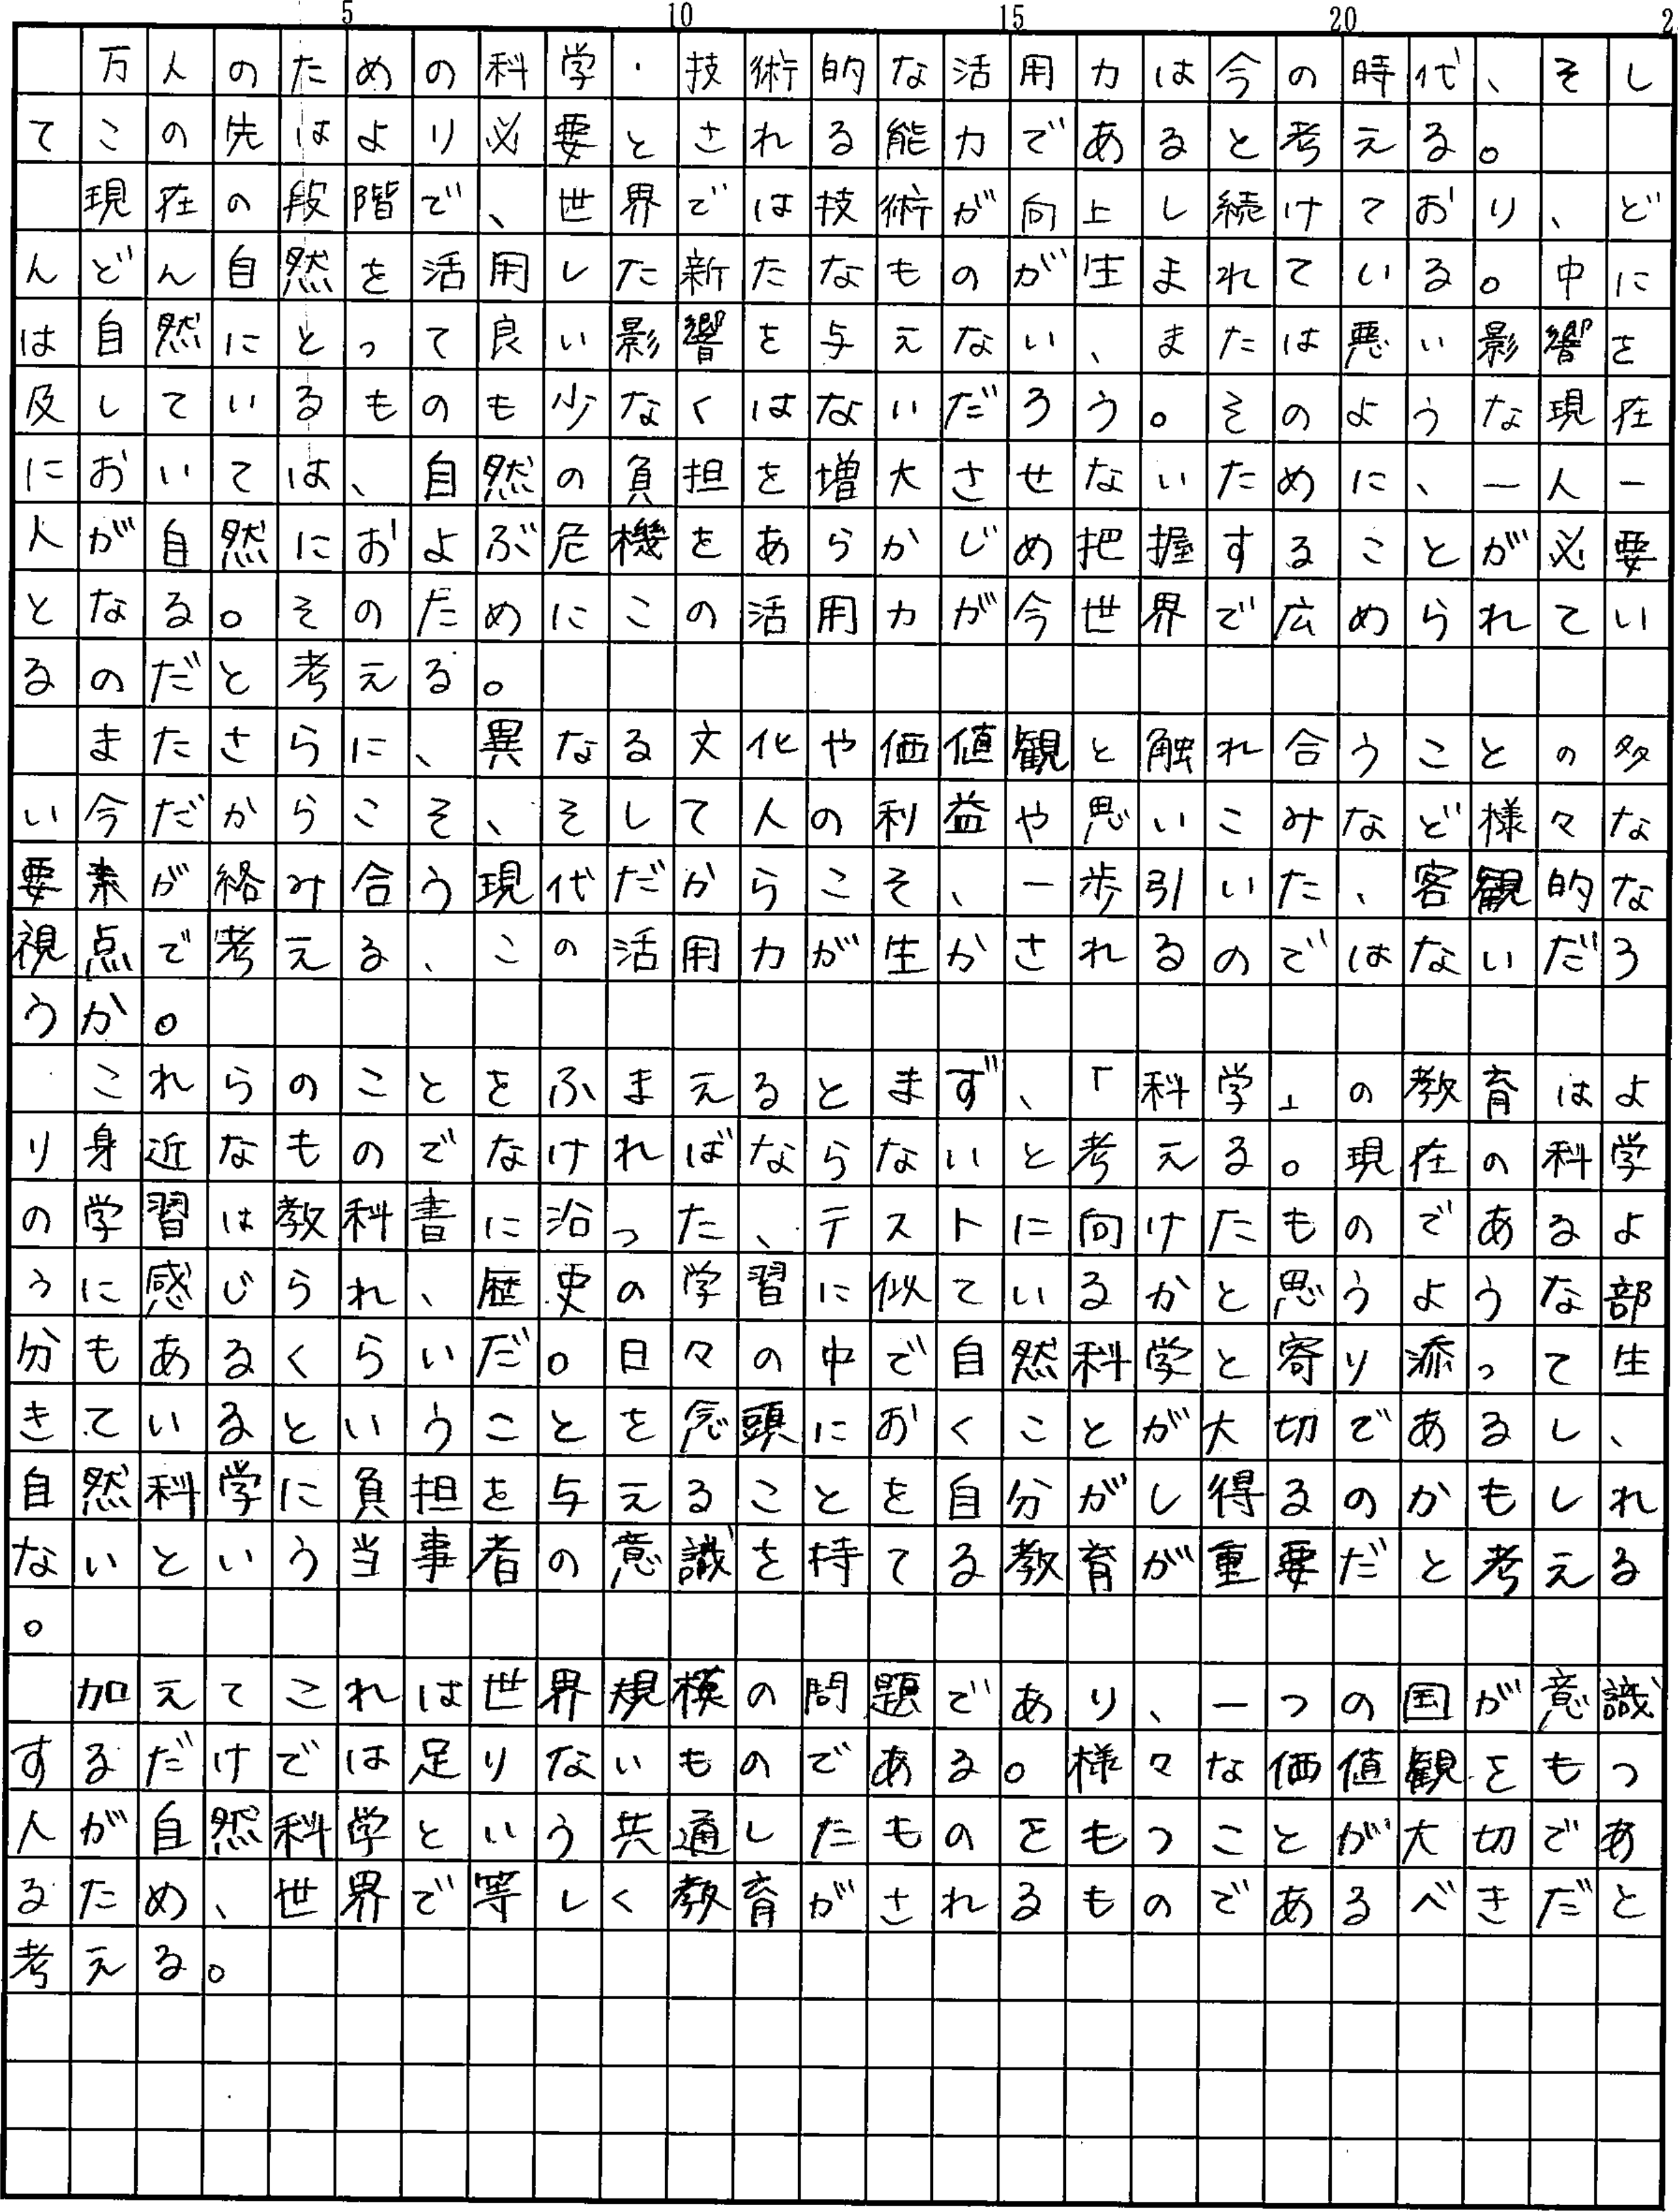　万人のための科学・技術的な活用力は今の時代、そしてこの先はより必要とされる能力であると考える。
　現在の段階で、世界では技術が向上し続けており、どんどん自然を活用した新たなものが生まれている。中には自然にとって良い影響を与えない、または悪い影響を及しているものも少なくはないだろう。そのような現在においては、自然の負担を増大させないために、一人一人が自然におよぶ危機をあらかじめ把握することが必要となる。そのためにこの活用力が今世界で広められているのだと考える。
　またさらに、異なる文化や価値観と触れ合うことの多い今だからこそ、そして人の利益や思いこみなど様々な要素が絡み合う現代だからこそ、一歩引いた、客観的な視点で考える、この活用力が生かされるのではないだろうか。
　これらのことをふまえるとまず、「科学」の教育はより身近なものでなければならないと考える。現在の科学の学習は教科書に沿った、テストに向けたものであるように感じられ、歴史の学習に似ているかと思うような部分もあるくらいだ。日々の中で自然科学と寄り▁って生きているということを念頭におくことが大切であるし、自然科学に負担を与えることを自分がし得るかもしれないという当事者の意識を持てる教育が重要だと考える。
　加えてこれは世界規模の問題であり、一つの国が意識するだけでは足りないものである。様々な価値観をもつ人が自然科学という共通したものをもつことが大切であるため、世界で等しく教育がされるものであるべきだと考える。
